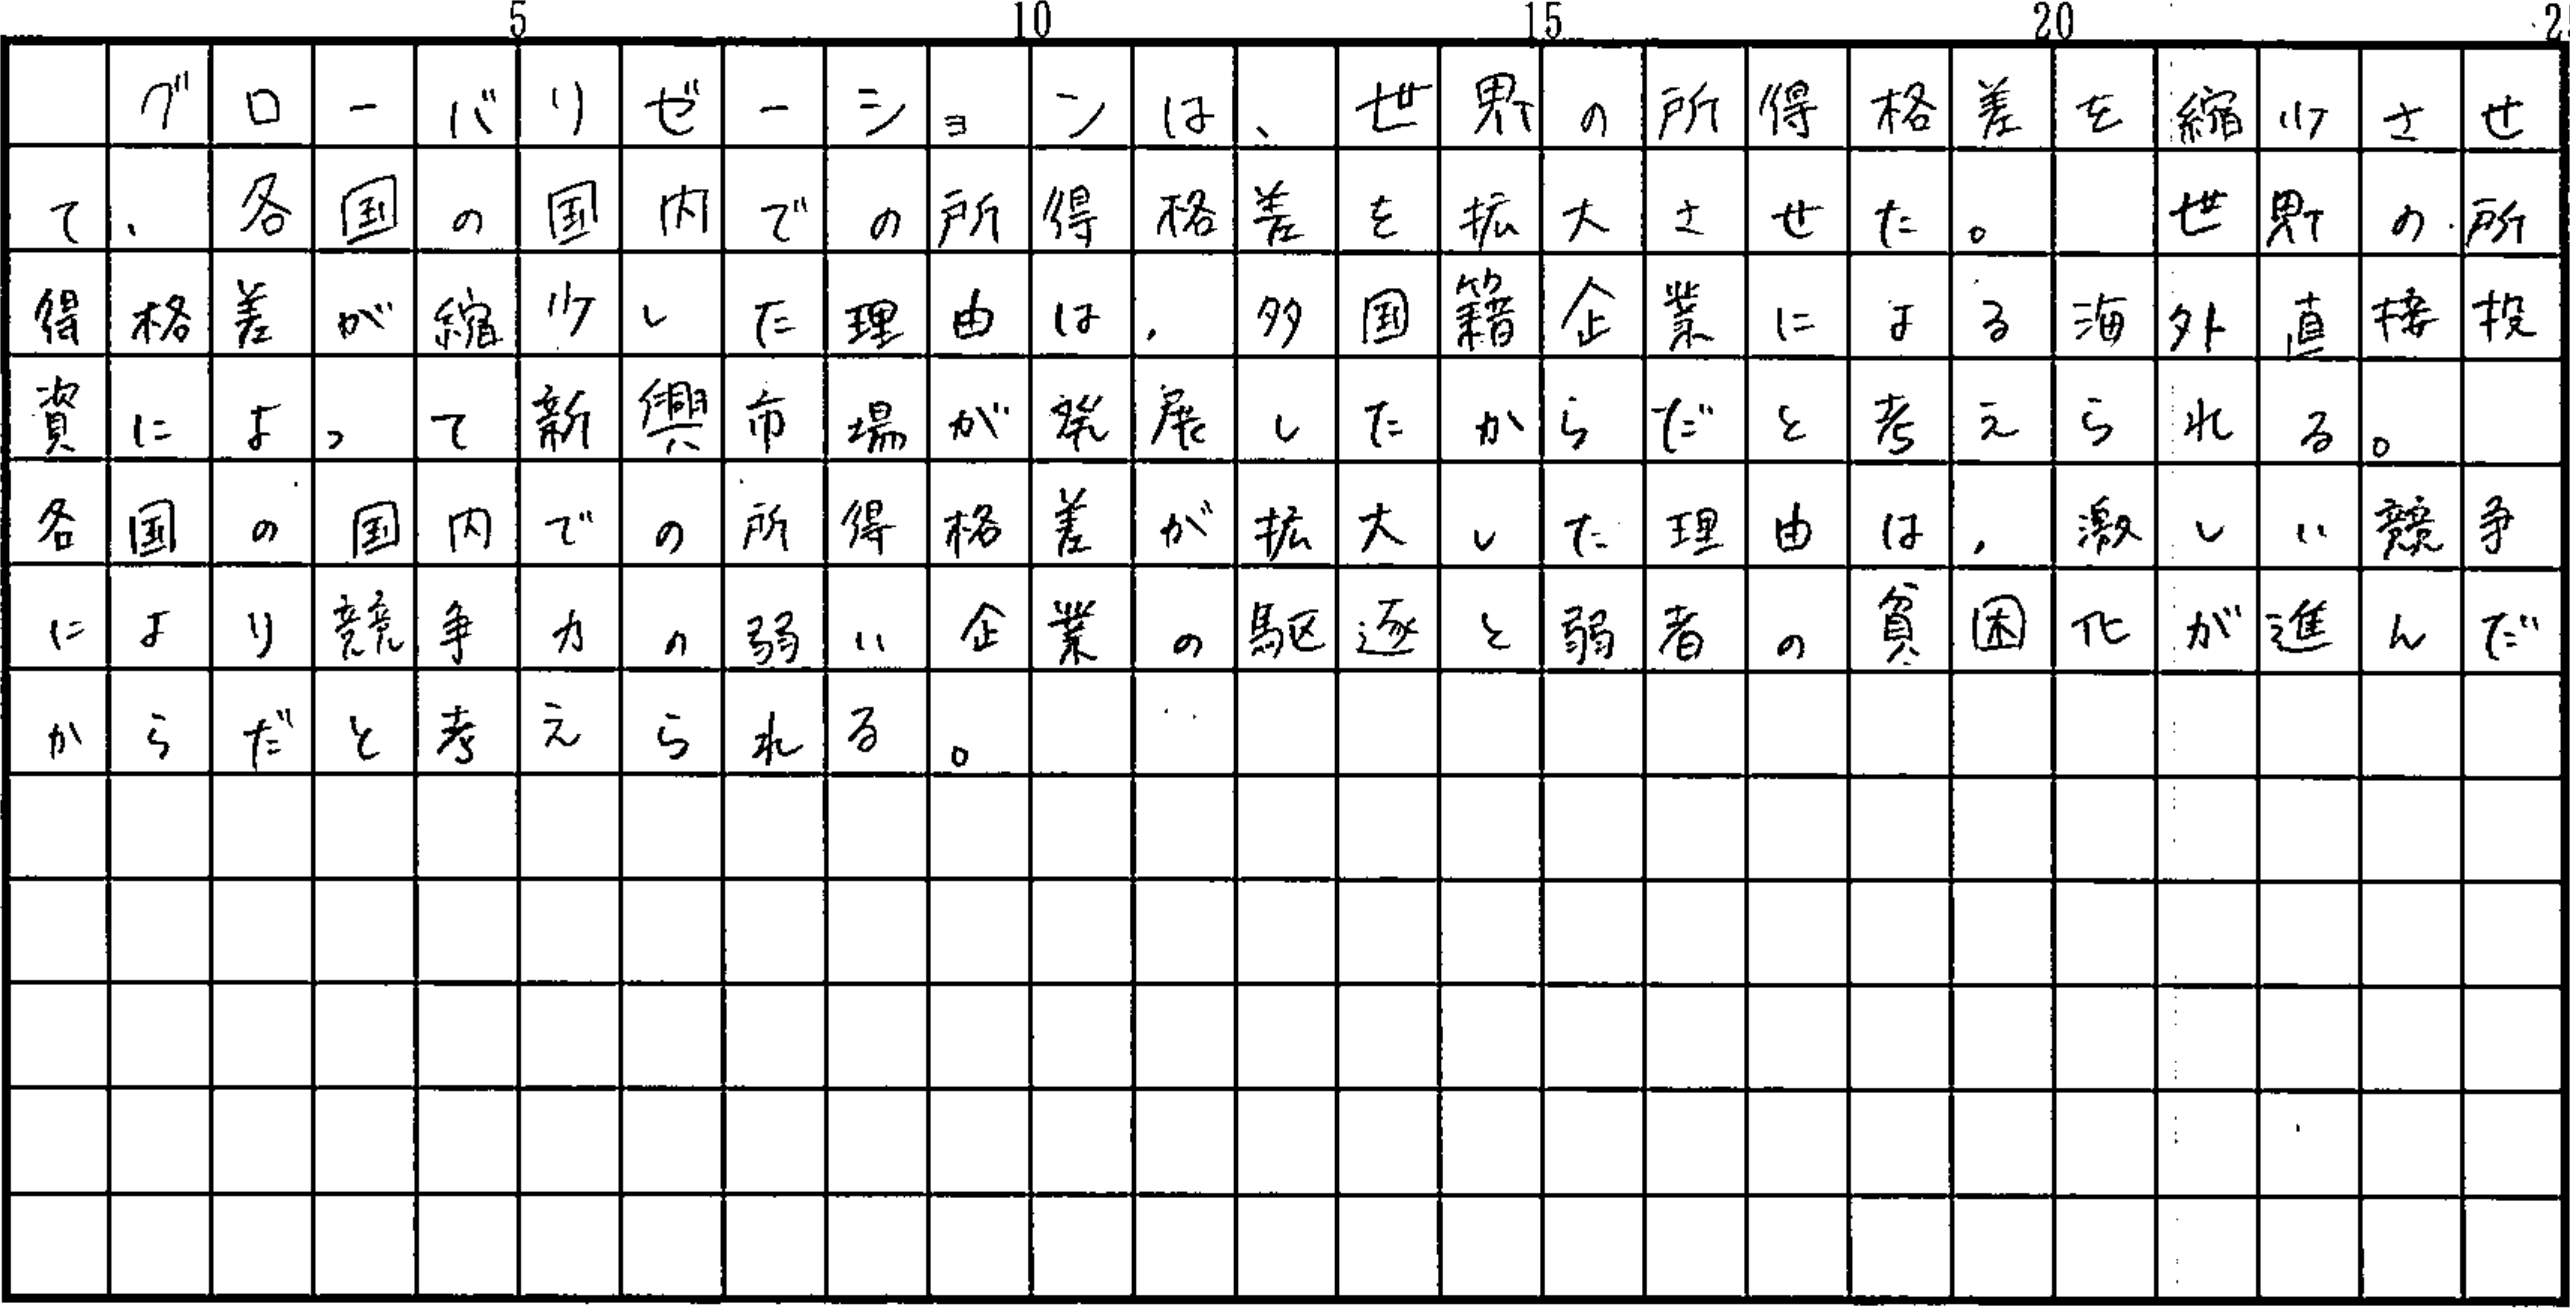　グローバリゼーションは、世界の所得格差を縮小させて、各国の国内での所得格差を拡大させた。　世界の所得格差が縮少した理由は、多国籍企業による海外直接投資によって新興市場が発展したからだと考えられる。　各国の国内での所得格差が拡大した理由は、激しい競争により競争力の弱い企業の駆逐と弱者の貧困化が進んだからだと考えられる。
